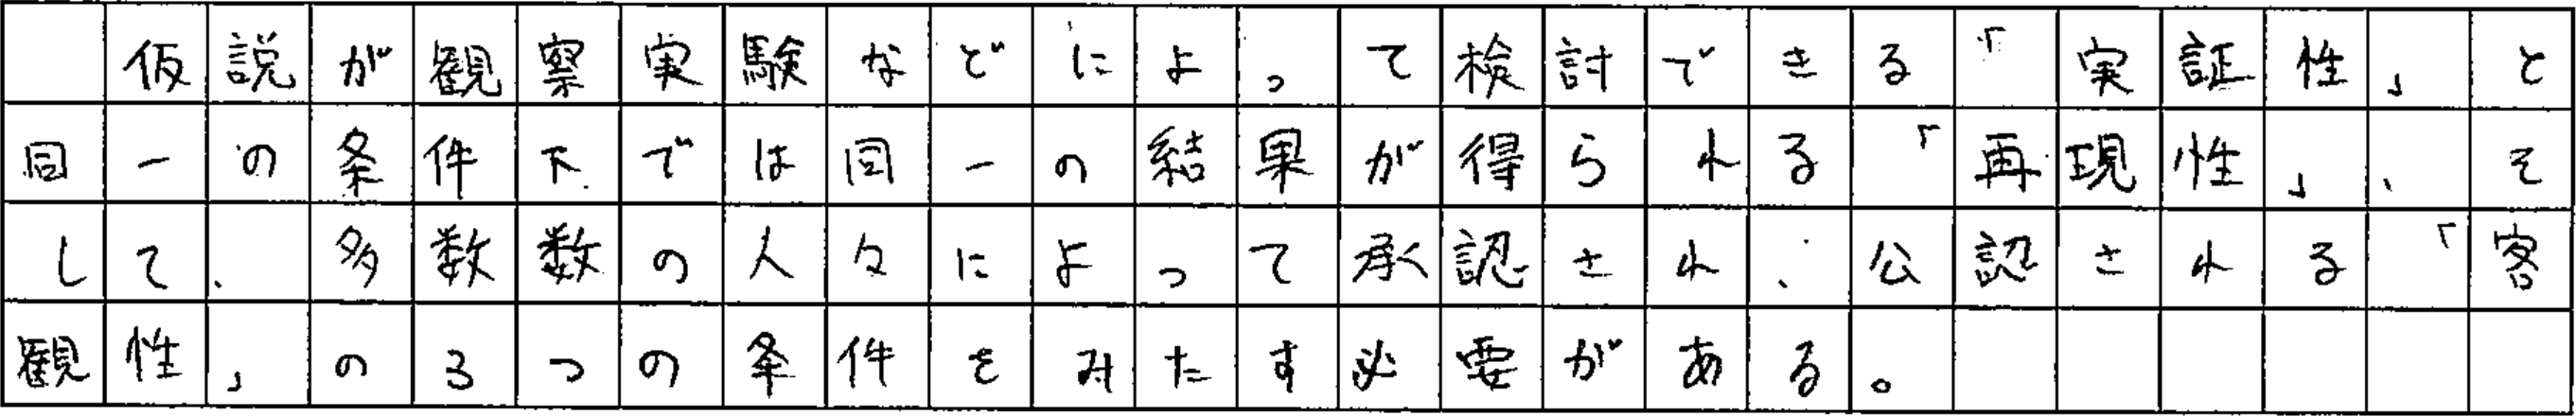　仮説が観察実験などによって検討できる「実証性」と同一の条件下では同一の結果が得られる「再現性」、そして、多数数の人々によって承認され、公認される「客観性」の３つの条件をみたす必要がある。
